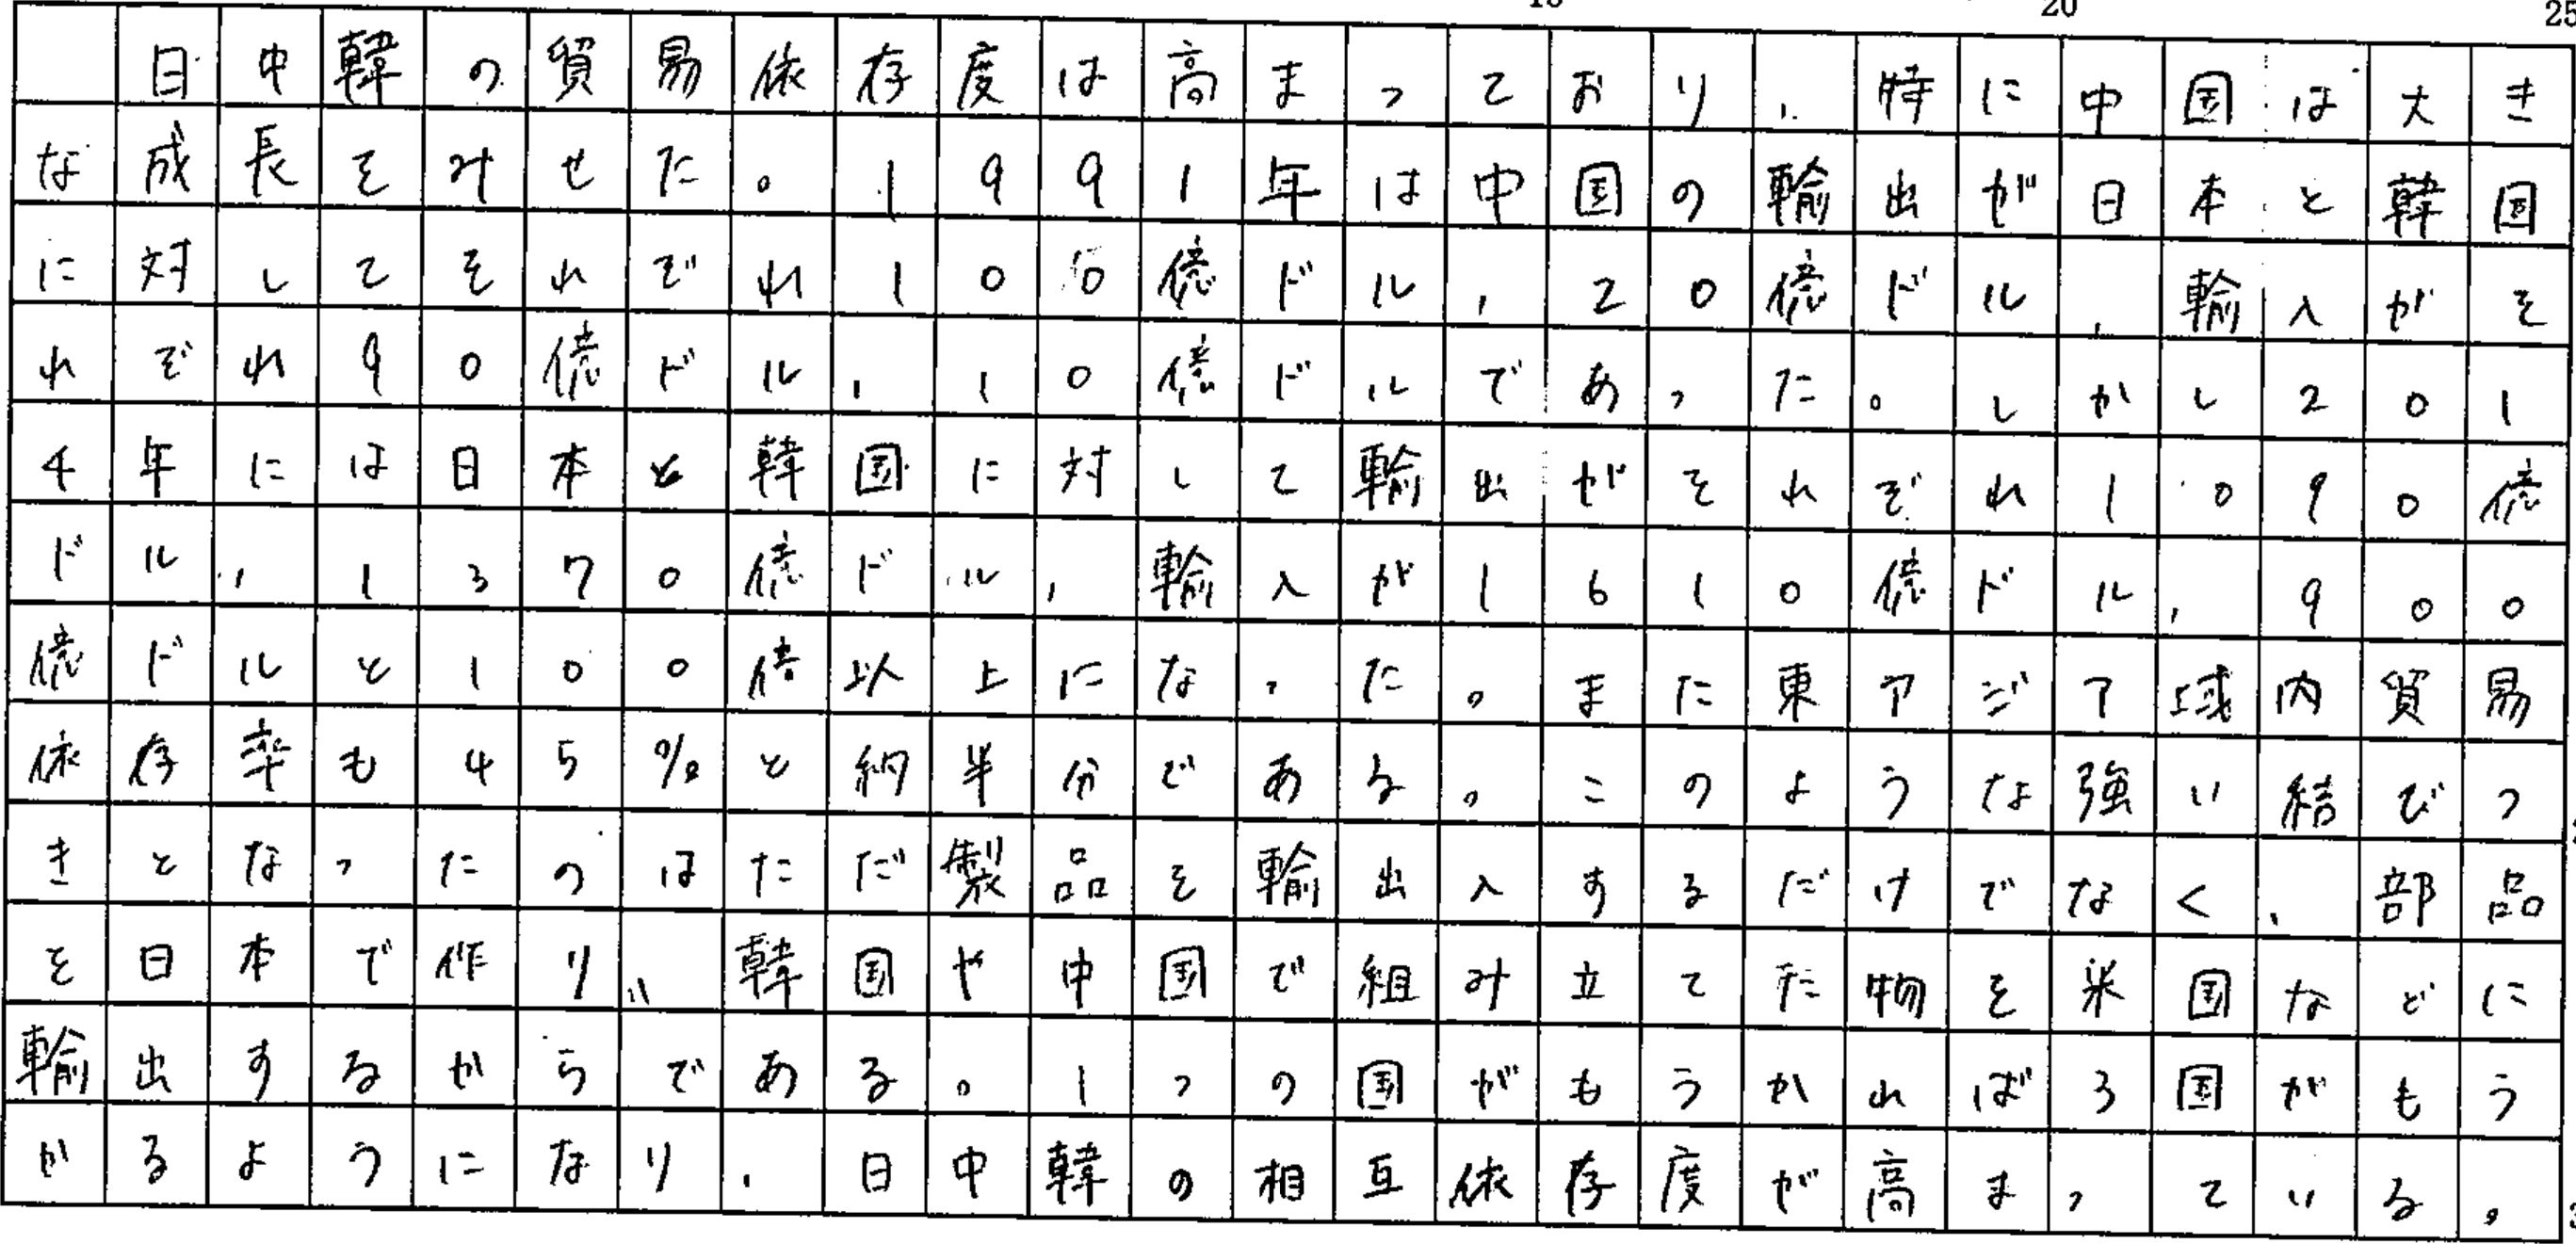　日中韓の貿易依存度は高まっており，特に中国は大きな成長をみせた。１９９１年は中国の輸出が日本と韓国に対してそれぞれ１００億ドル，２０億ドル，輸入がそれぞれ９０億ドル，１０億ドルであった。しかし２０１４年には日本と韓国に対して輸出がそれぞれ１０９０億ドル，１３７０億ドル，輸入が１６１０億ドル，９００億ドルと１００倍以上になった。また東アジア域内貿易依存率も４５％と約半分である。このような強い結びつきとなったのはただ製品を輸出入するだけでなく、部品を日本で作り、韓国や中国で組み立てた物を米国などに輸出するからである。１つの国がもうかれば３国がもうかるようになり、日中韓の相互依存度が高まっている。
